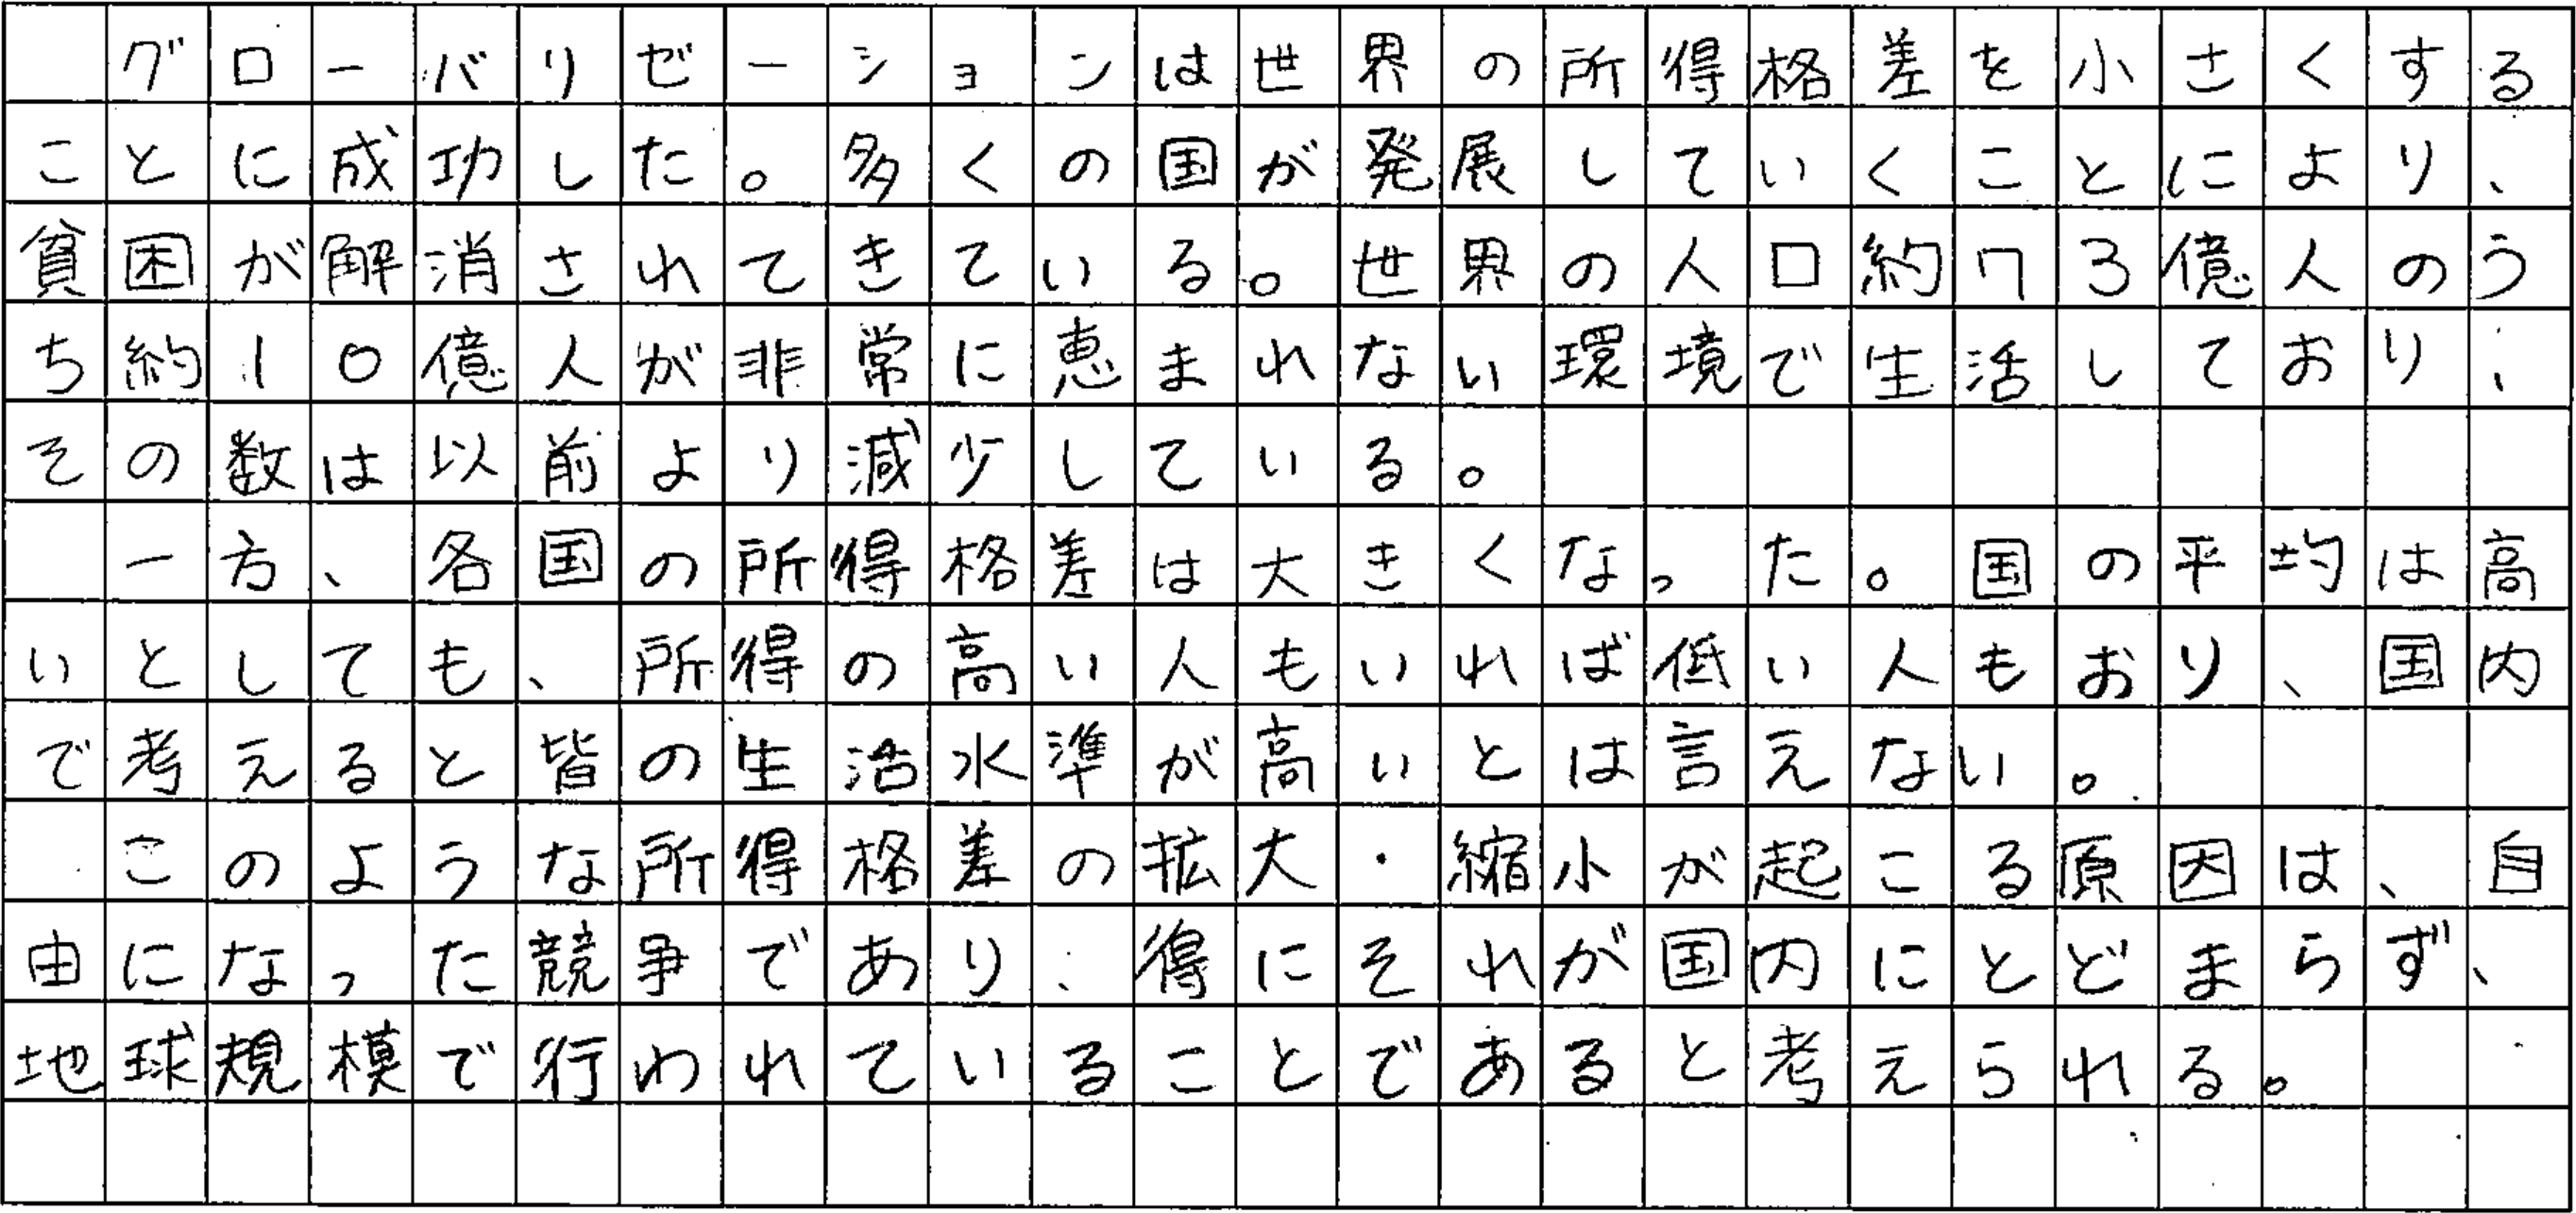　グローバリゼーションは世界の所得格差を小さくすることに成功した。多くの国が発展していくことにより、貧困が解消されてきている。世界の人口約７３億人のうち約１０億人が非常に恵まれない環境で生活しており、その数は以前より減少している。
　一方、各国の所得格差は大きくなった。国の平▁は高いとしても、所得の高い人もいれば低い人もおり、国内で考えると皆の生活水準が高いとは言えない。
　このような所得格差の拡大・縮小が起こる原因は、自由になった競争であり、得にそれが国内にとどまらず、地球規模で行われていることであると考えられる。
